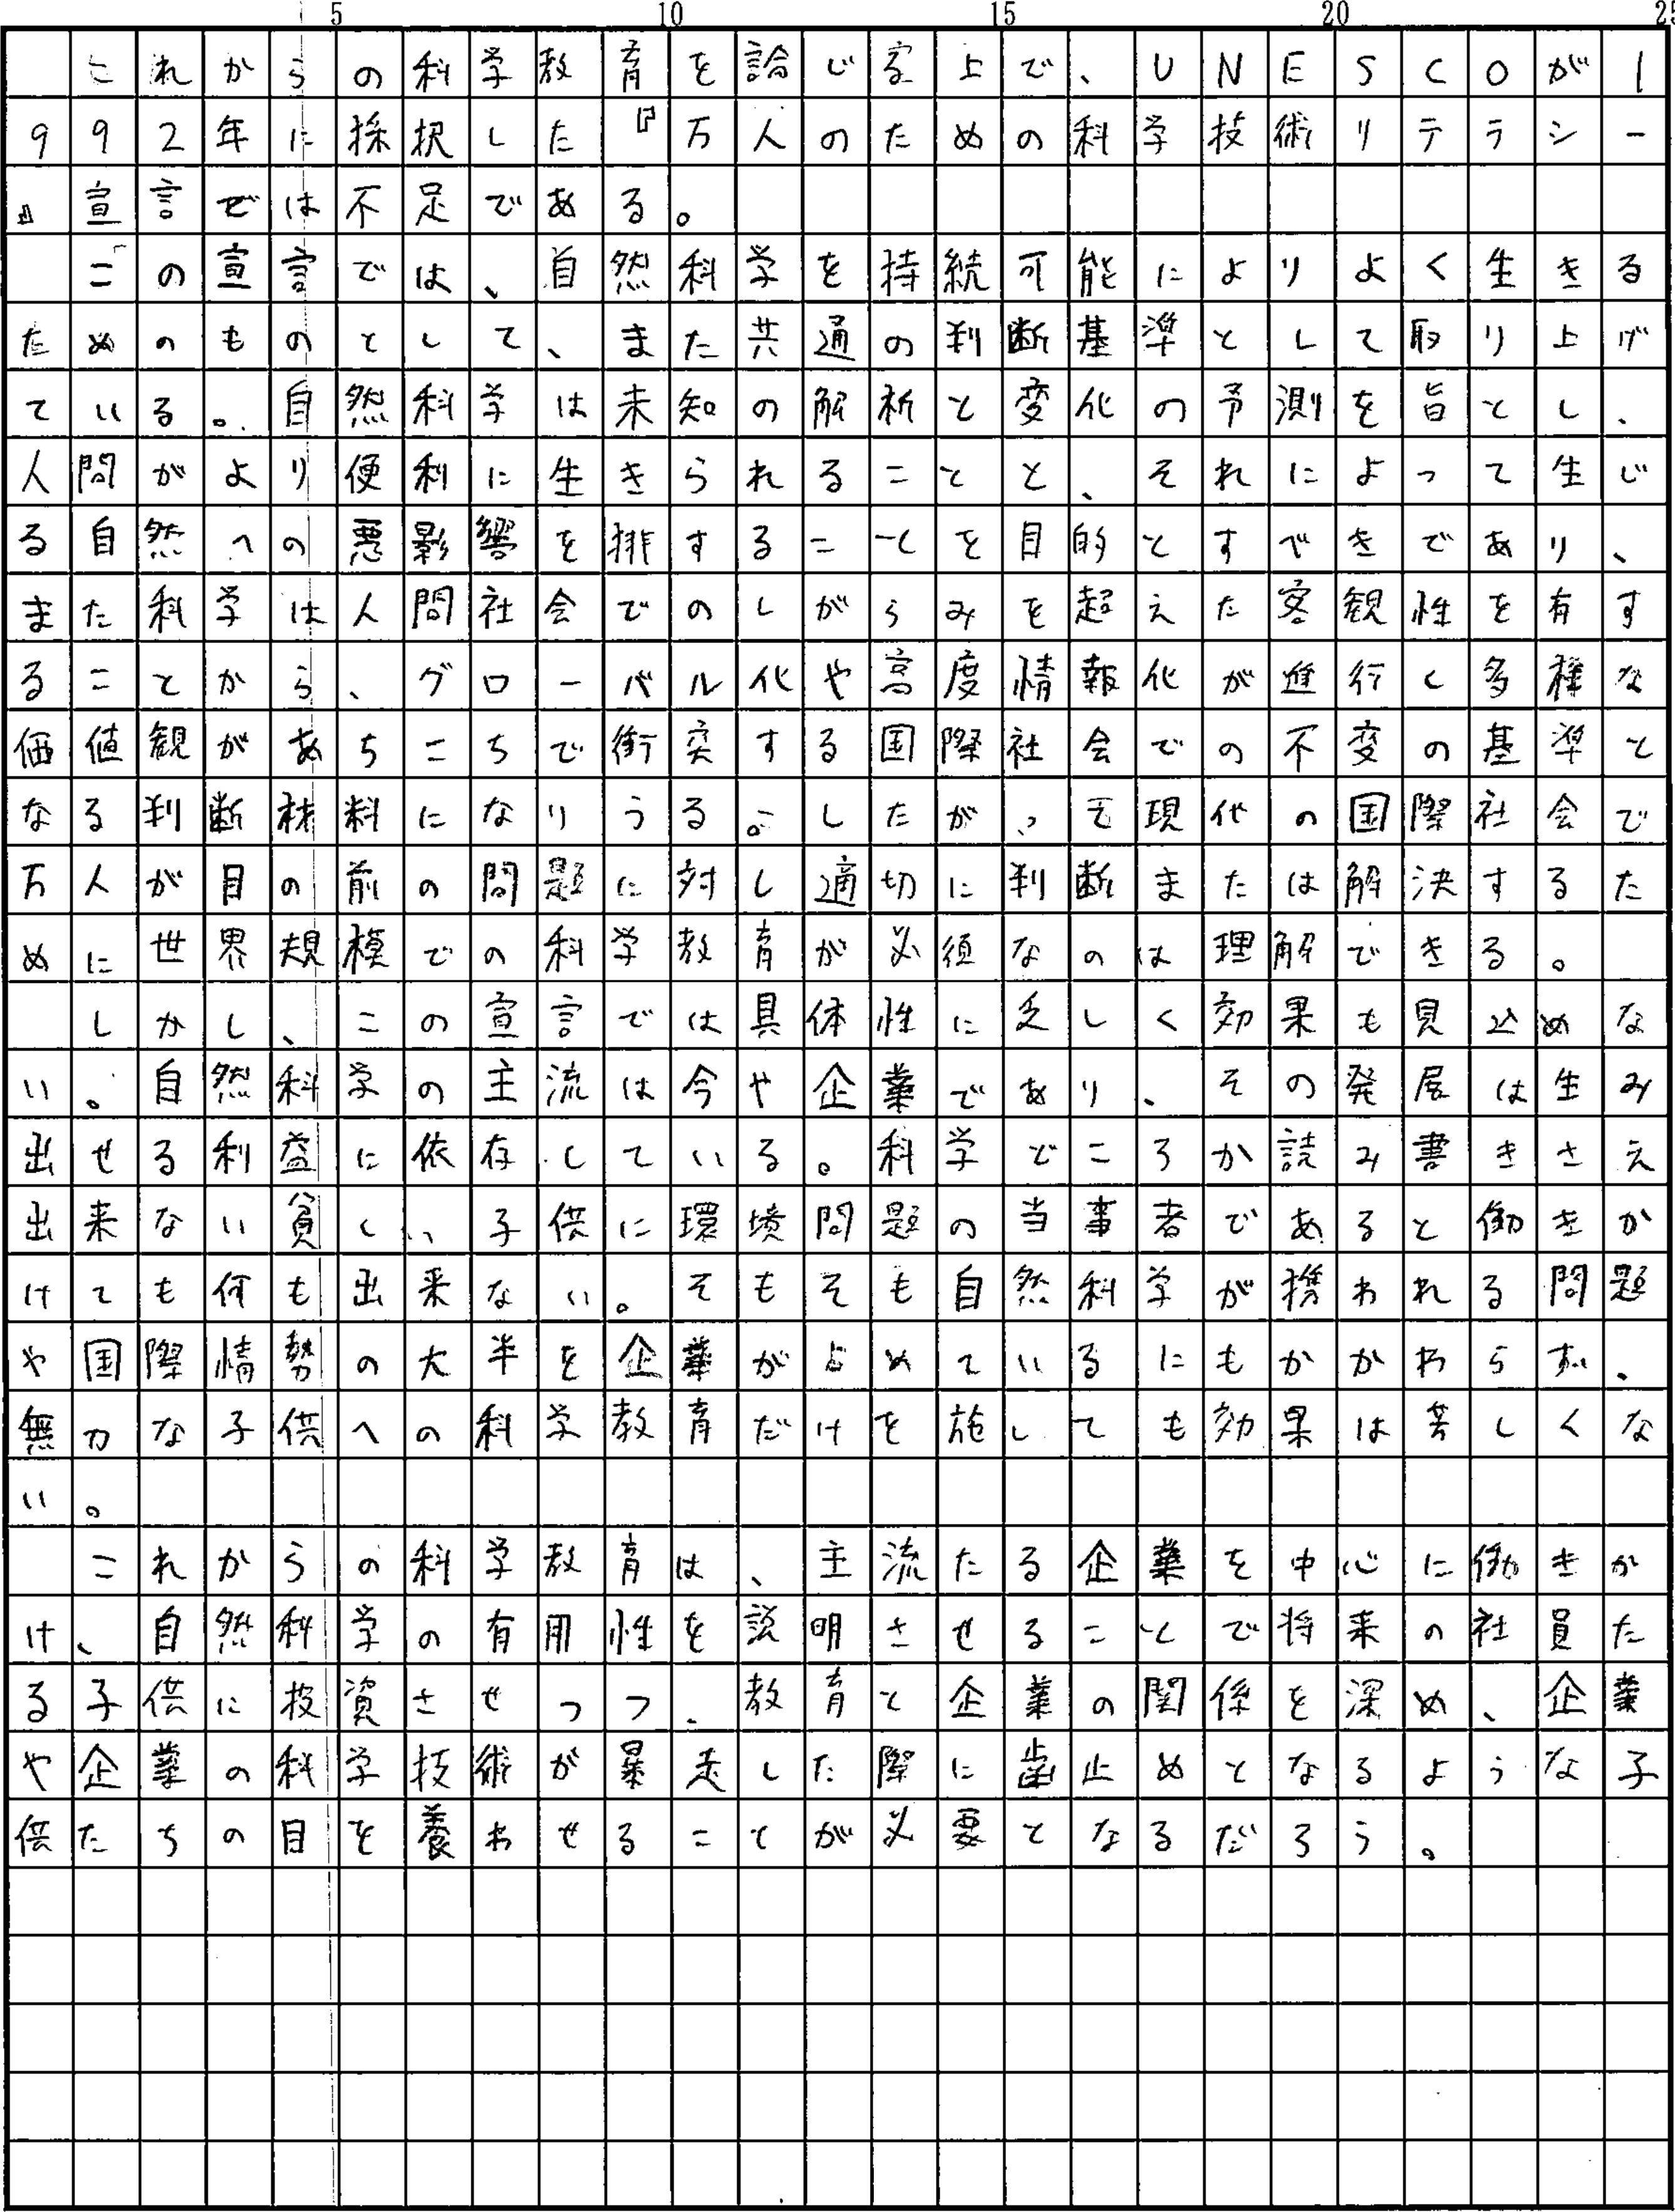　これからの科学教育を論じる上で、ＵＮＥＳＣＯが１９９２年に採択した『万人のための科学技術リテラシー』宣言では不足である。
　この宣言では、自然科学を持続可能によりよく生きるためのものとして、また共通の判断基準として取り上げている。自然科学は未知の解析と変化の予測を旨とし、人間がより便利に生きられることと、それによって生じる自然への悪影響を排することを目的とすべきであり、また科学は人間社会でのしがらみを超えた客観性を有することから、グローバル化や高度情報化が進行し多様な価値観があちこちで衝突する国際社会での不変の基準となる判断材料になりうる。したがって現▁の国際社会で万人が目の前の問題に対し適切に判断または解決するために世界規模での科学教育が必須なのは理解できる。
　しかし、この宣言では具体性に乏しく効果も見込めない。自然科学の主流は今や企業であり、その発展は生み出せる利益に依存している。科学どころか読み書きさえ出来ない貧しい子供に環境問題の当事者であると働きかけても何も出来ない。そもそも自然科学が携われる問題や国際情勢の大半を企業が占めているにもかかわらず、無力な子供への科学教育だけを施しても効果は芳しくない。
　これからの科学教育は、主流たる企業を中心に働きかけ、自然科学の有用性を説明させることで将来の社員たる子供に投資させつつ、教育と企業の関係を深め、企業や企業の科学技術が暴走した際に歯止めとなるような子供たちの目を養わせることが必要となるだろう。
